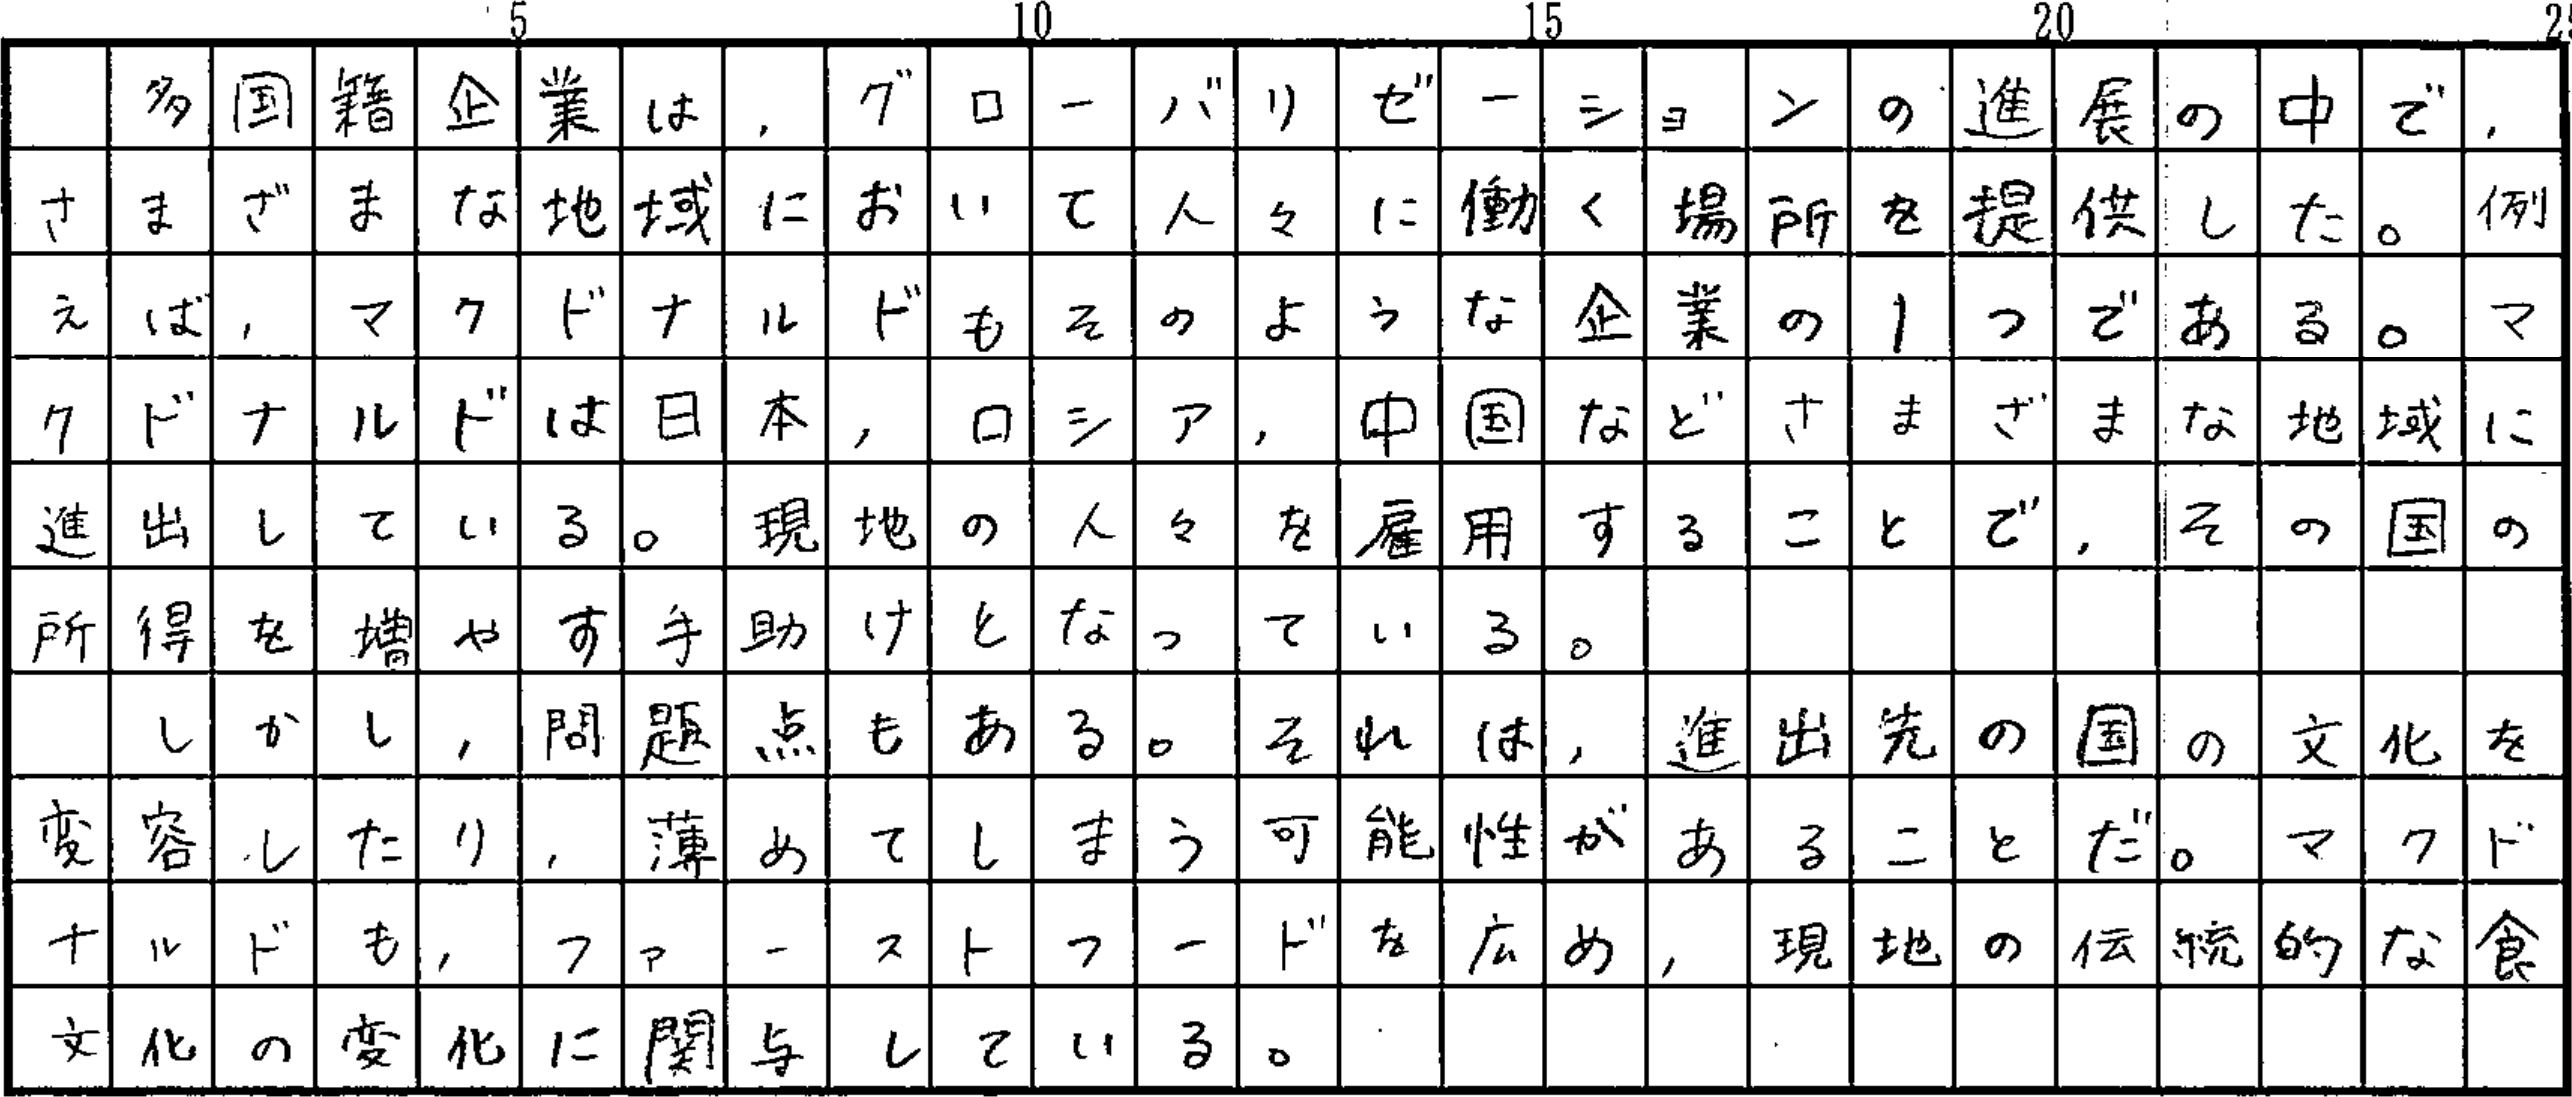　多国籍企業は、グローバリゼーションの進展の中で、さまざまな地域において人々に働く場所を提供した。例えば、マクドナルドもそのような企業の１つである。マクドナルドは日本、ロシア、中国などさまざまな地域に進出している。現地の人々を雇用することで、その国の所得を増やす手助けとなっている。
　しかし、問題点もある。それは、進出先の国の文化を変容したり、薄めてしまう可能性があることだ。マクドナルドも、ファーストフードを広め、現地の伝統的な食文化の変化に関与している。
